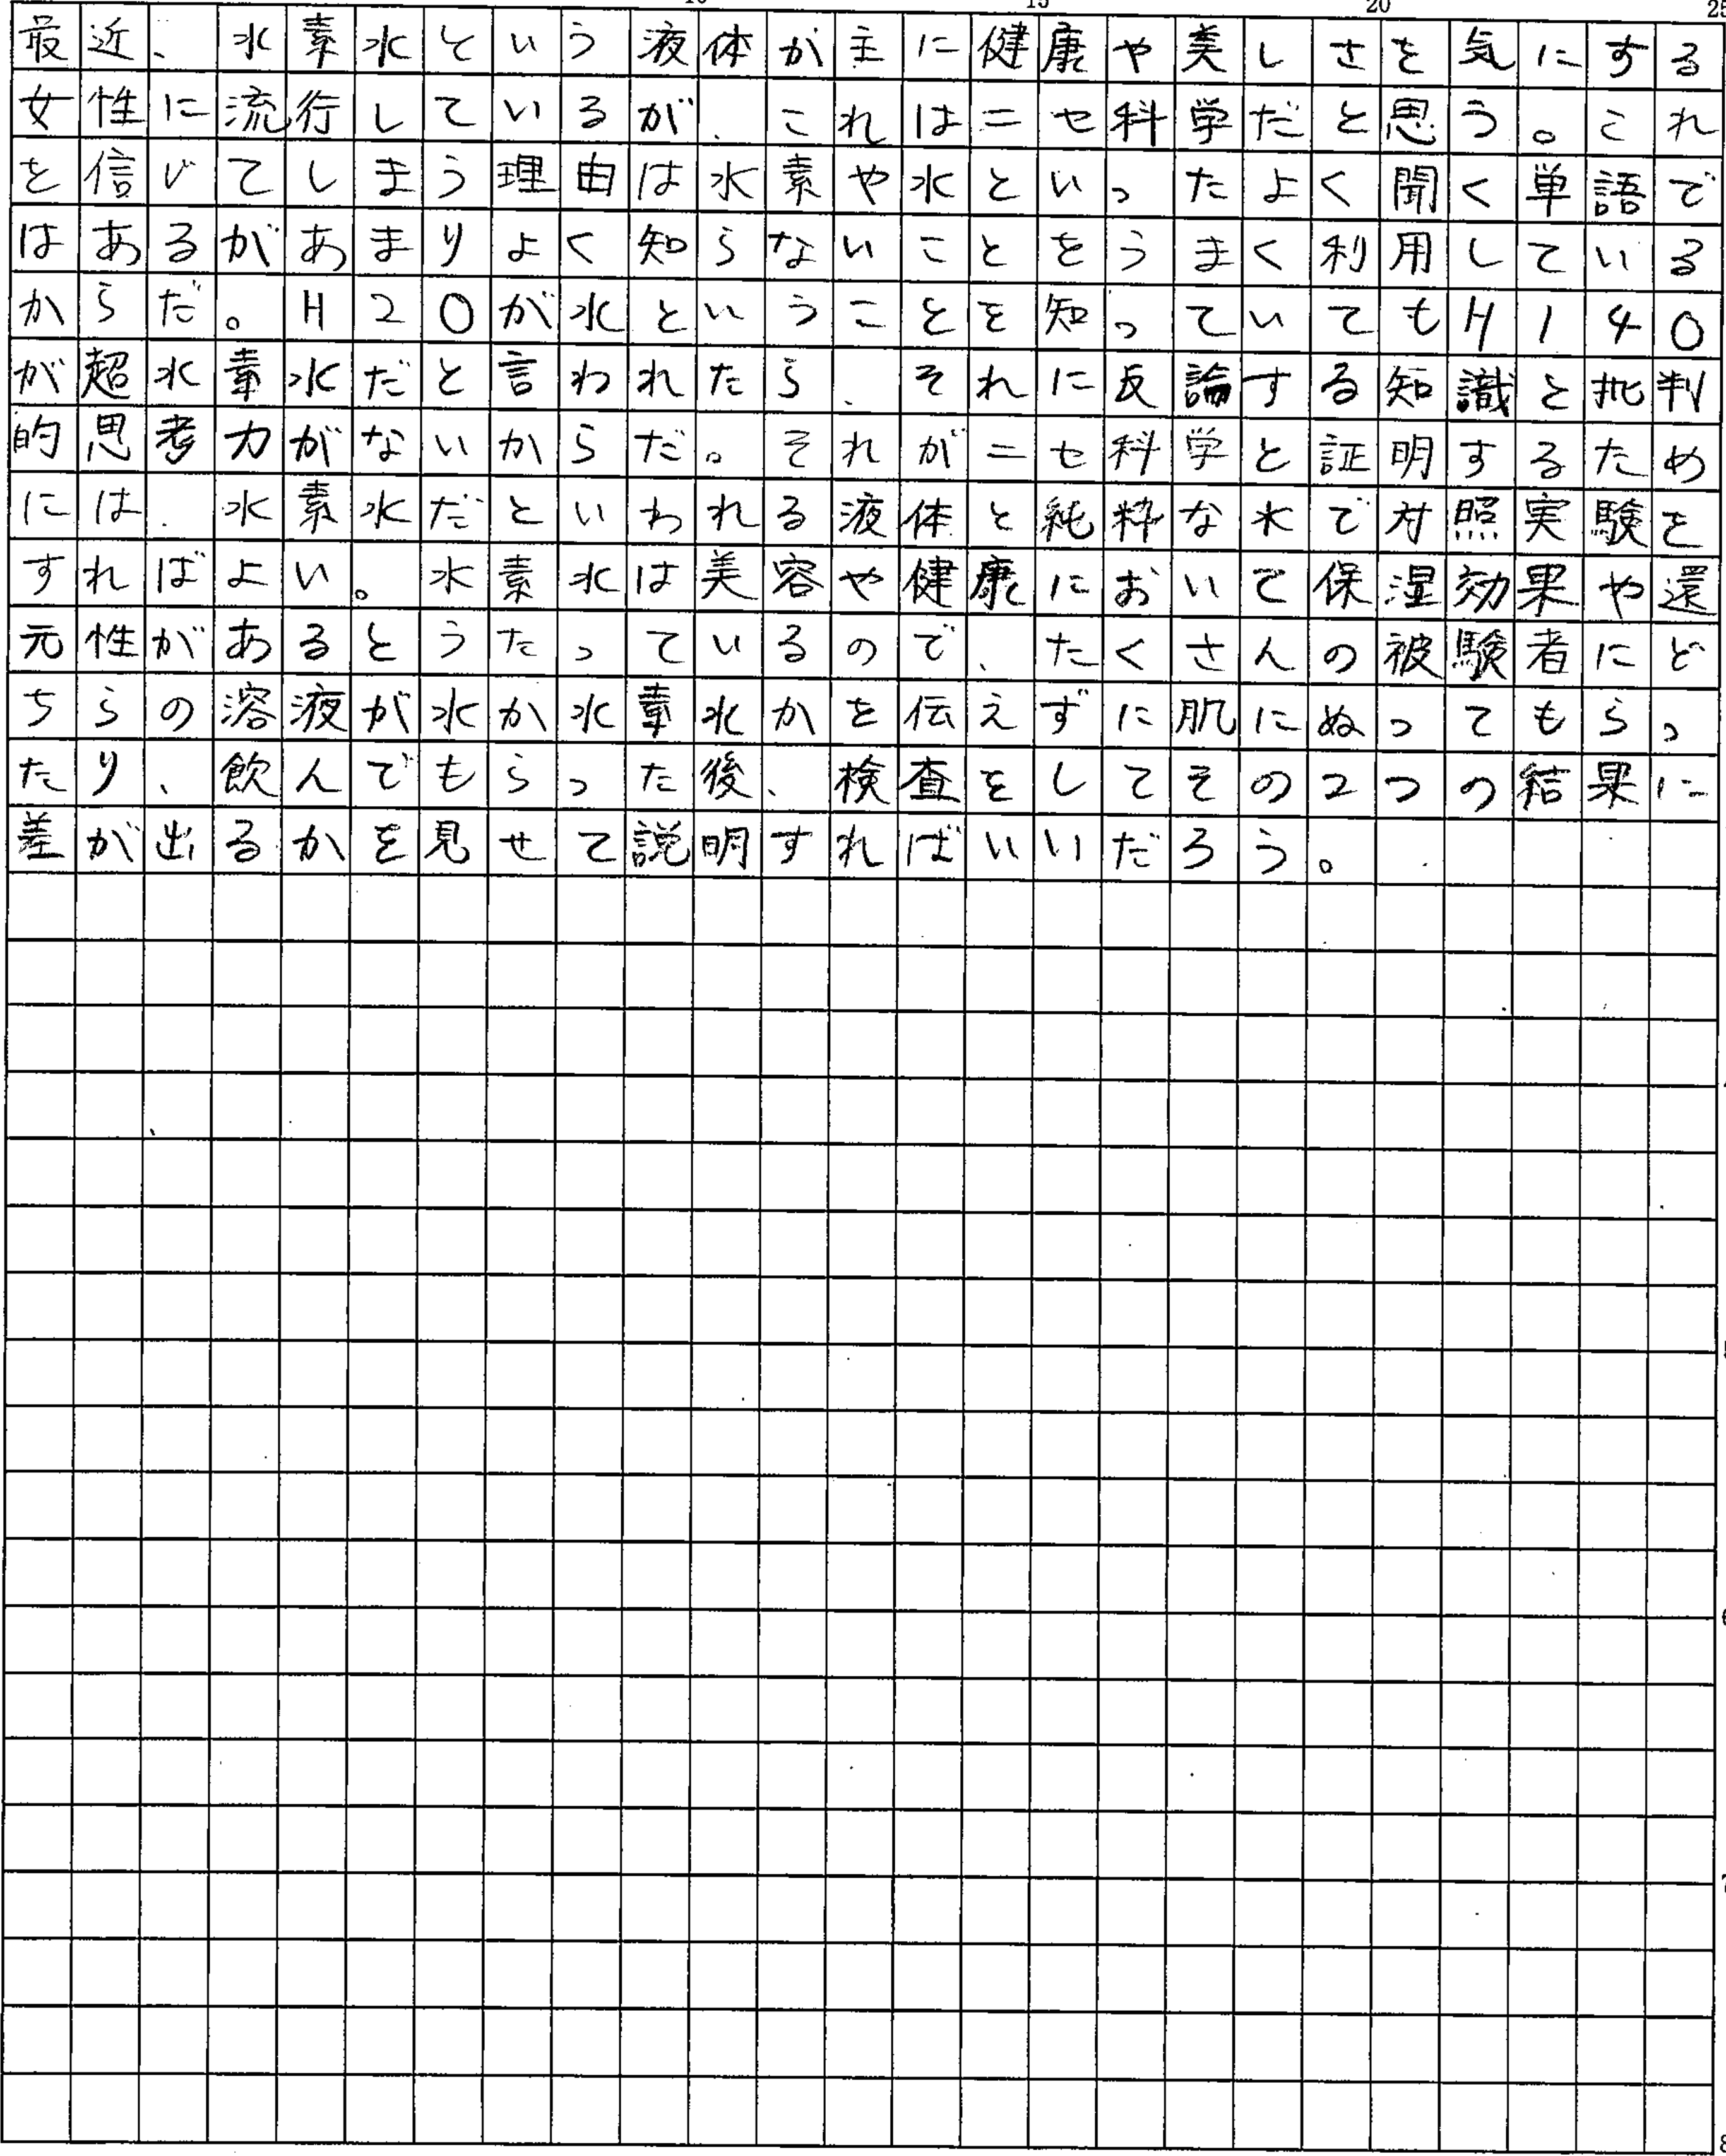最近、水素水という液体が主に健康や美しさを気にする女性に流行しているが、これはニセ科学だと思う。これを信じてしまう理由は水素や水といったよく聞く単語ではあるがあまりよく知らないことをうまく利用しているからだ。Ｈ２Ｏが水ということを知っていてもＨ１４Ｏが超水素水だと言われたら、それに反論する知識と批判的思考力がないからだ。それがニセ科学と証明するためには、水素水だといわれる液体と純粋な水で対照実験をすればよい。水素水は美容や健康において保湿効果や環元性があるとうたっているので、たくさんの被験者にどちらの溶液が水か水素水かを伝えずに肌にぬってもらったり、飲んでもらった後、検査をしてその２つの結果に差が出るかを見せて説明すればいいだろう。
